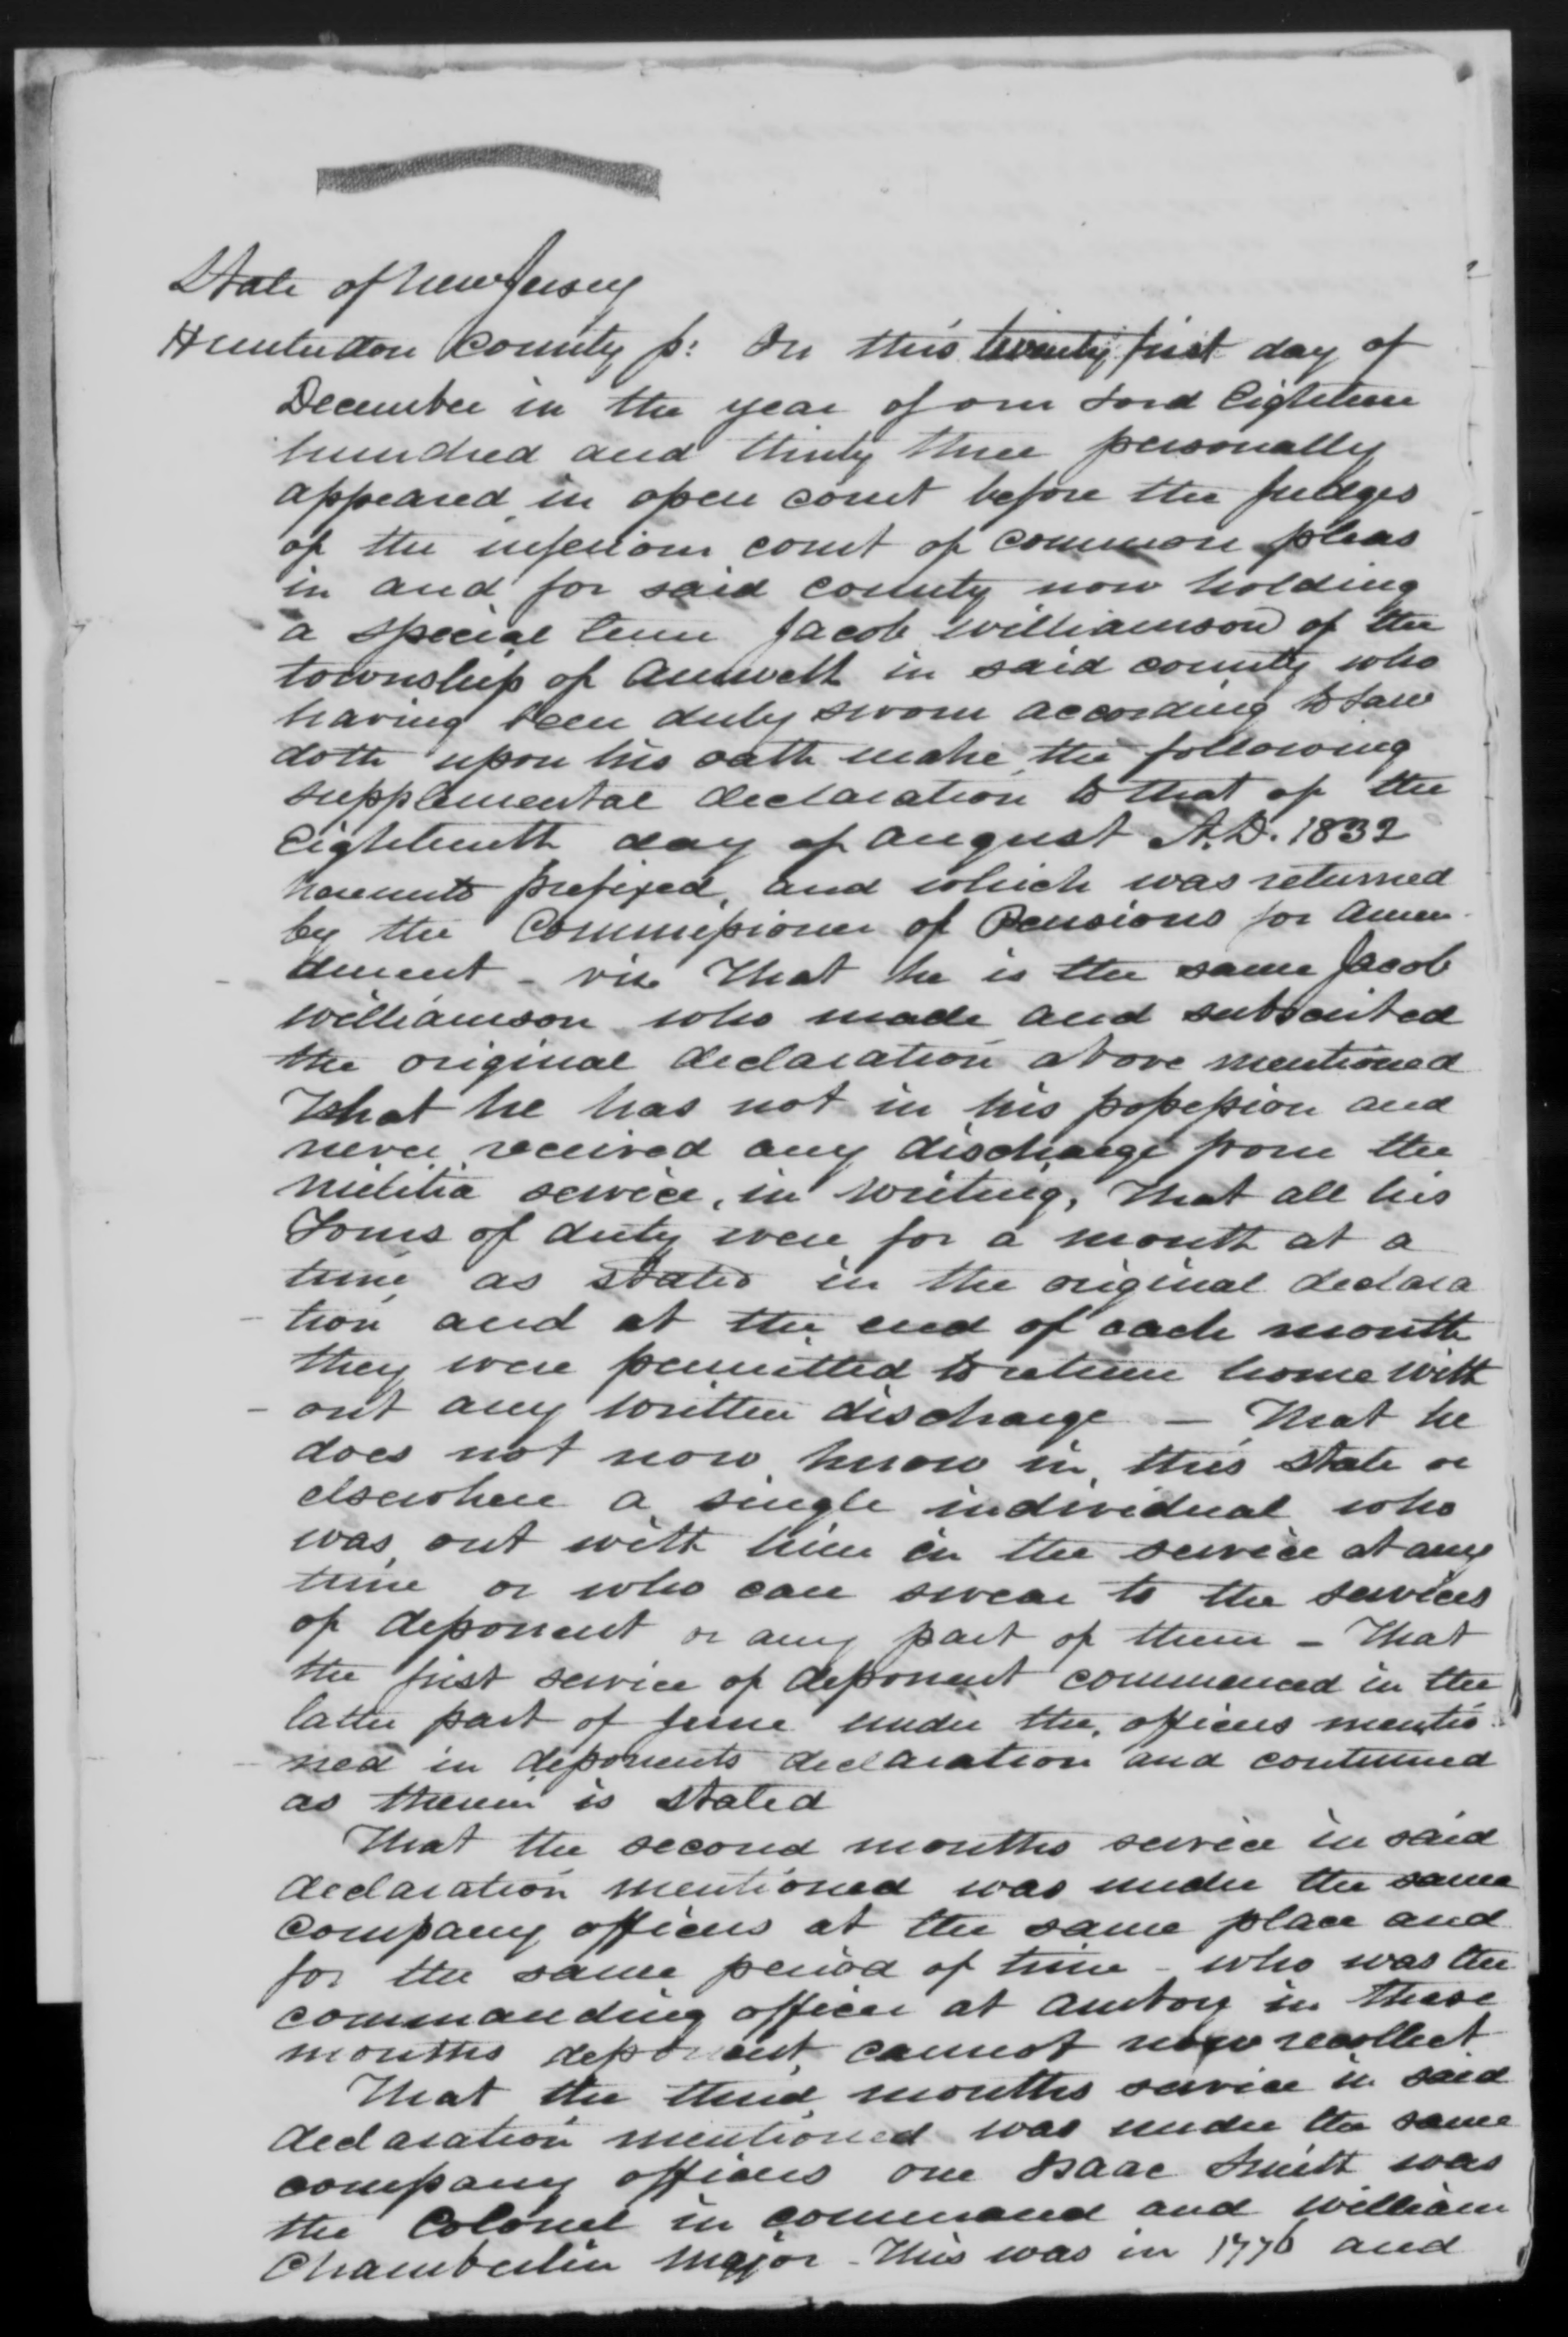State of New Jersey
Hunterdon County//

On this Twenty first day of December in the year of our Lord Eighteen Hundred and Thirty three, personally appeared in Open Court before the Judges of the Inferior Court of Common Pleas in and for said County now holding a special term, Jacob Williamson of the Township of Amwell in said county who having been duly sworn according to law doth upon his oath make the following supplemental declaration to that of the Eighteenth day of August A.D. 1832, hereunto prefixed, and which was returned by the Commissioner of Pensions for amendment. Viz.: That he is the same Jacob Williamson who made and subscribed the original declaration above mentioned. That he has not in his possession, and never received any, discharge from the militia service in writing. That all his tours of duty were for a month at a time, as stated in the original declaration, and at the end of each month they were permitted to return home without any written discharge. That he does not now know in this State or elsewhere a single individual who was out with him in the service at any time or who can swear to the services of deponent or any part of them. That the first service of deponent commenced in the latter part of June under the officers mentioned in deponent's declaration and continued as therein is stated.

That the second month's service in said declaration mentioned was under the same company officers at the same place and for the same period of time. Who was the commanding officer at Amboy in these months, deponent cannot now recollect.

That the third month's service in said declaration mentioned was under the same company officers. One Isaac Smith was the colonel in command and William Chamberlin, major. This was in 1776 and...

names: William Chamberlin, Jacob Williamson, Isaac Smith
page: 52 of 67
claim: widow's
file: W. 2393, Jacob Williamson, New Jersey